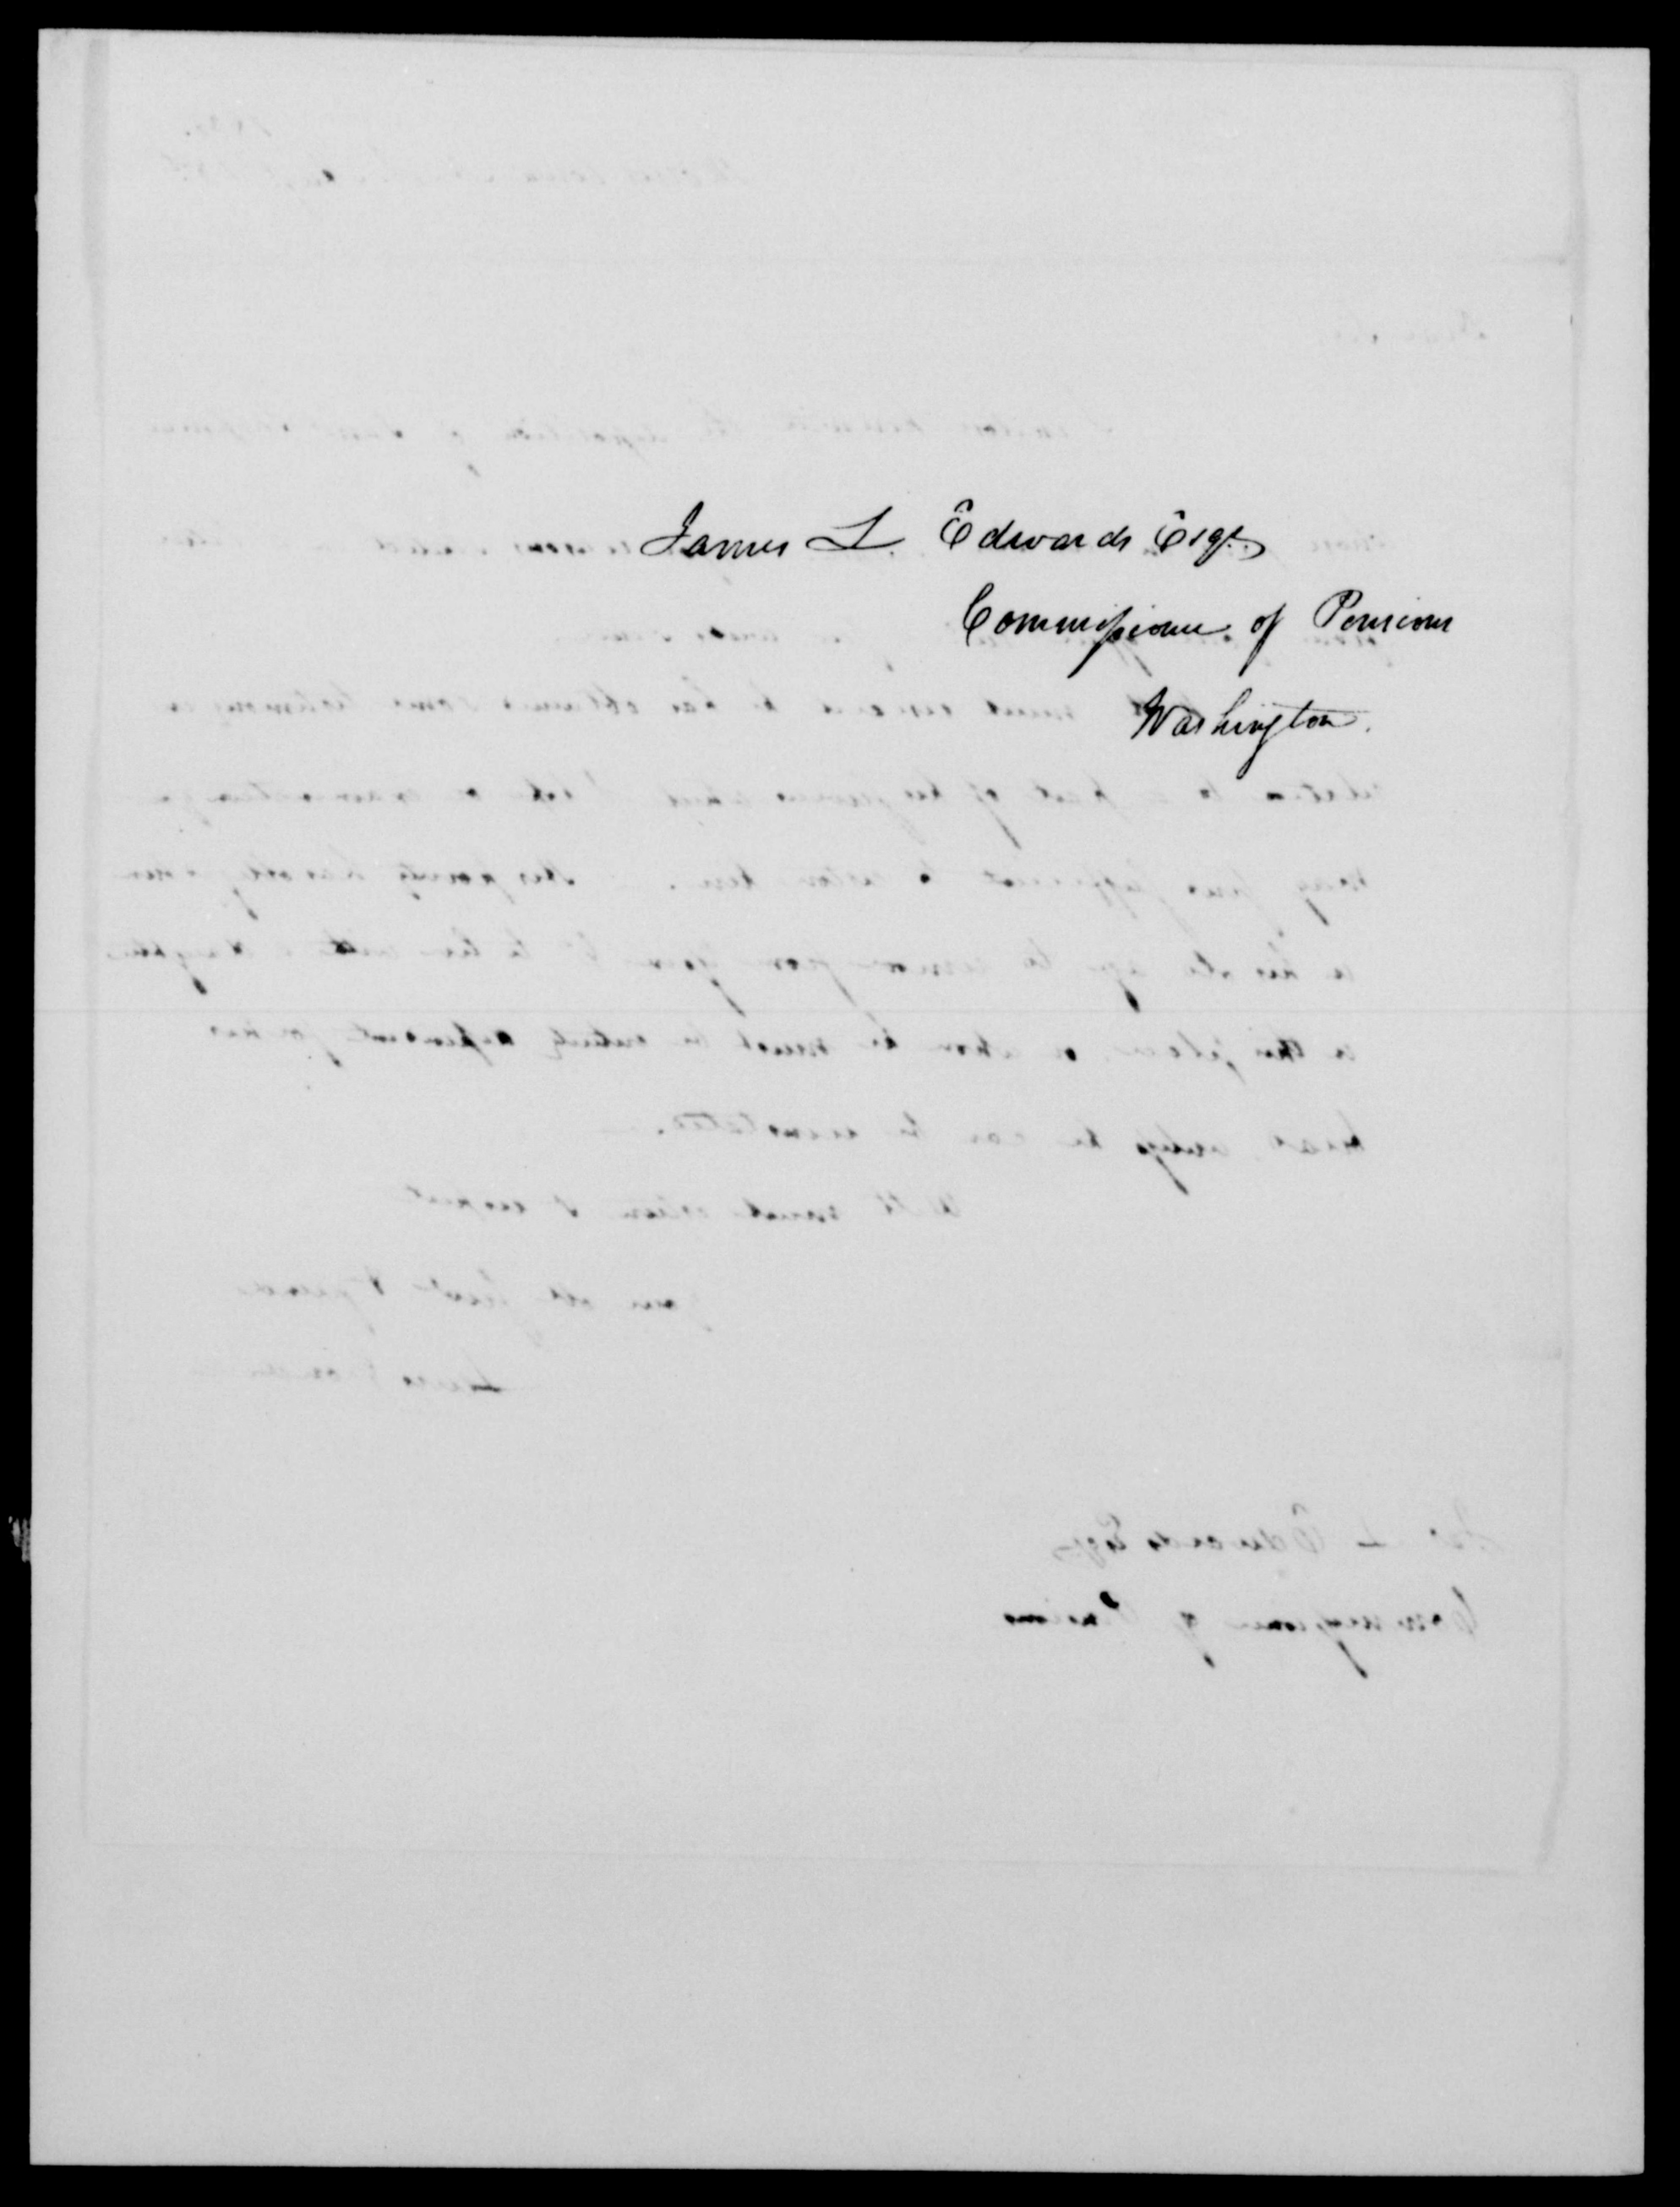James L. Edwards Esqr.
Commissioner of Pensions
Washington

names: James L Edwards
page: 16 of 44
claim: survivor's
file: S. 912, for Samuel Shipman, New Jersey